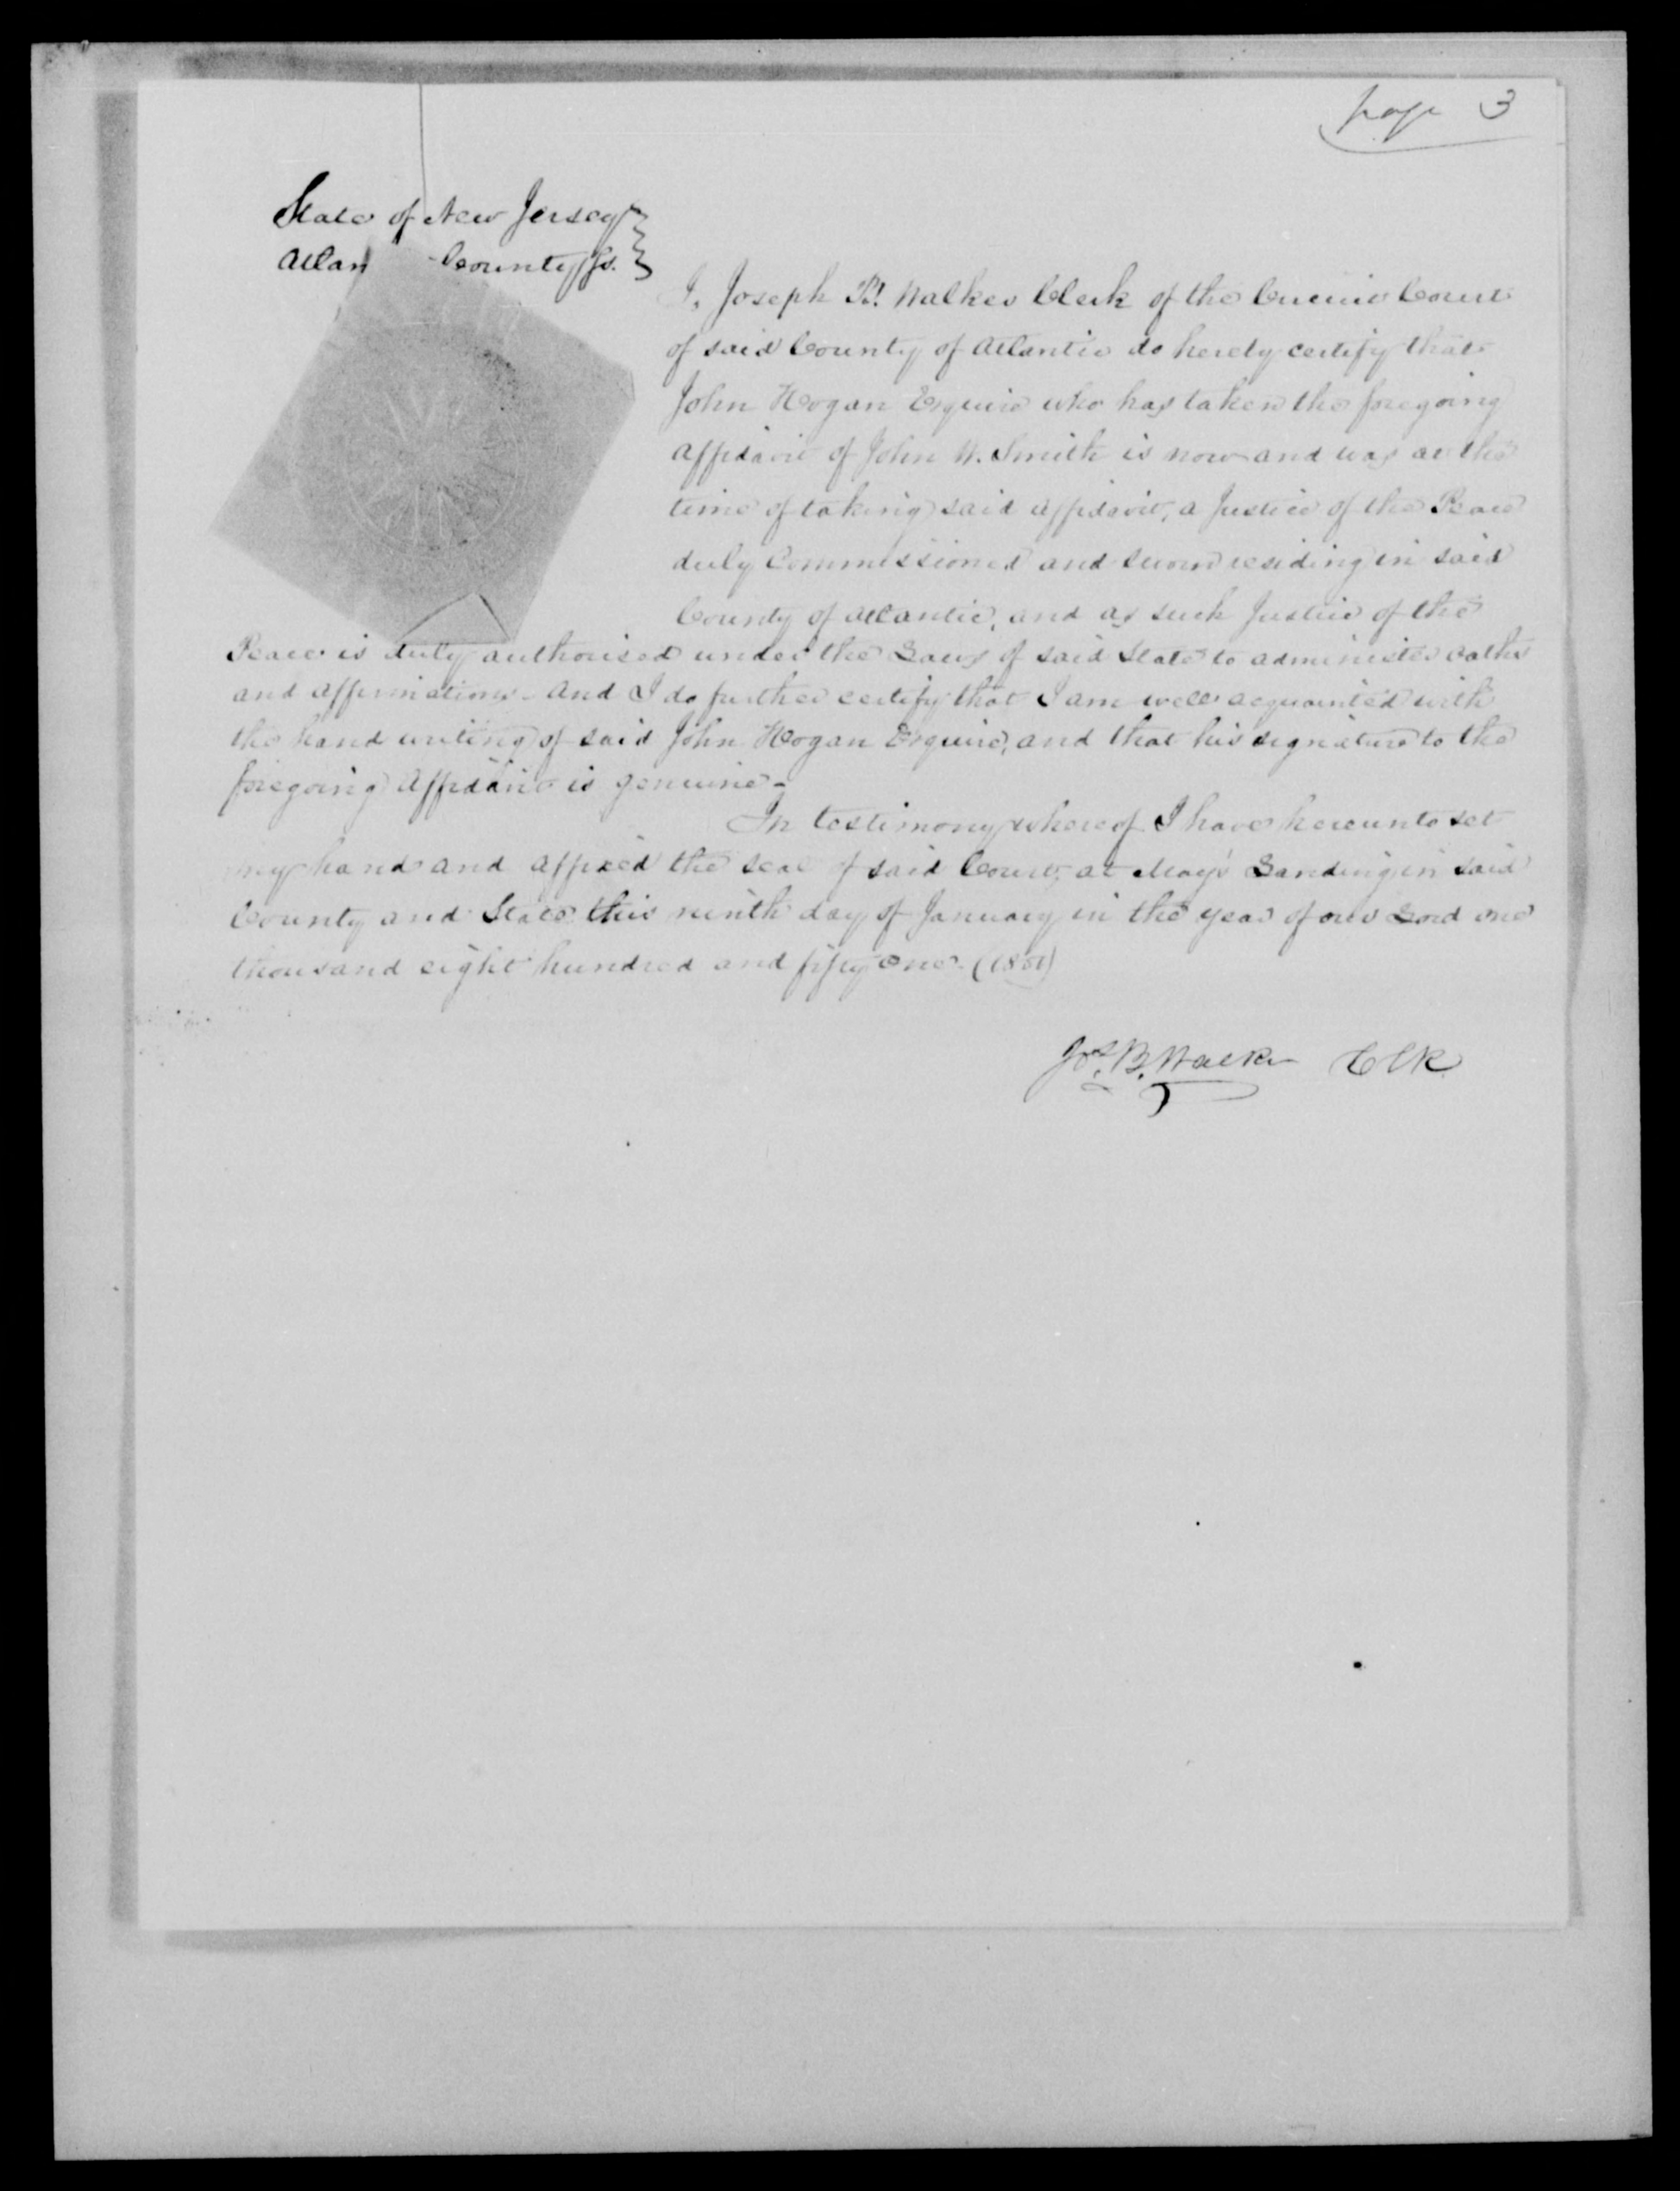page 3
State of New Jersey
Atlantic County

I, Joseph B. Walker Clerk of the Circuit Court of said County of Atlantic do hereby certify that John Hogan Esquire who has taken the foregoing affidavit of John W. Smith is now and was at the time of taking said affidavit, a Justice of the Peace duly Commissioned and sworn residing in said County of Atlantic, and as such Justice of the Peace is duly authorised under the Secy of said State to administer oaths and affirmations and I do further certify that I am well acquainted with the hand writing of said John Hogan Esquire, and that his signature to the foregoing affidavit is genuine.
In testimony where of I have hereunto set my hand and affixed the seal of said County at May’s Landing in said County and State this ninth day of January in the year of our Lord one thousand eight hundred and fifty one (1851)

[signed]
Jos B. Walker. Clk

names: Joseph B Walker; John Hogan; John Hogan; Jos B Walker; John W Smith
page: 22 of 27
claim: rejected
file: R. 9,892, for Henry Snell, New Jersey